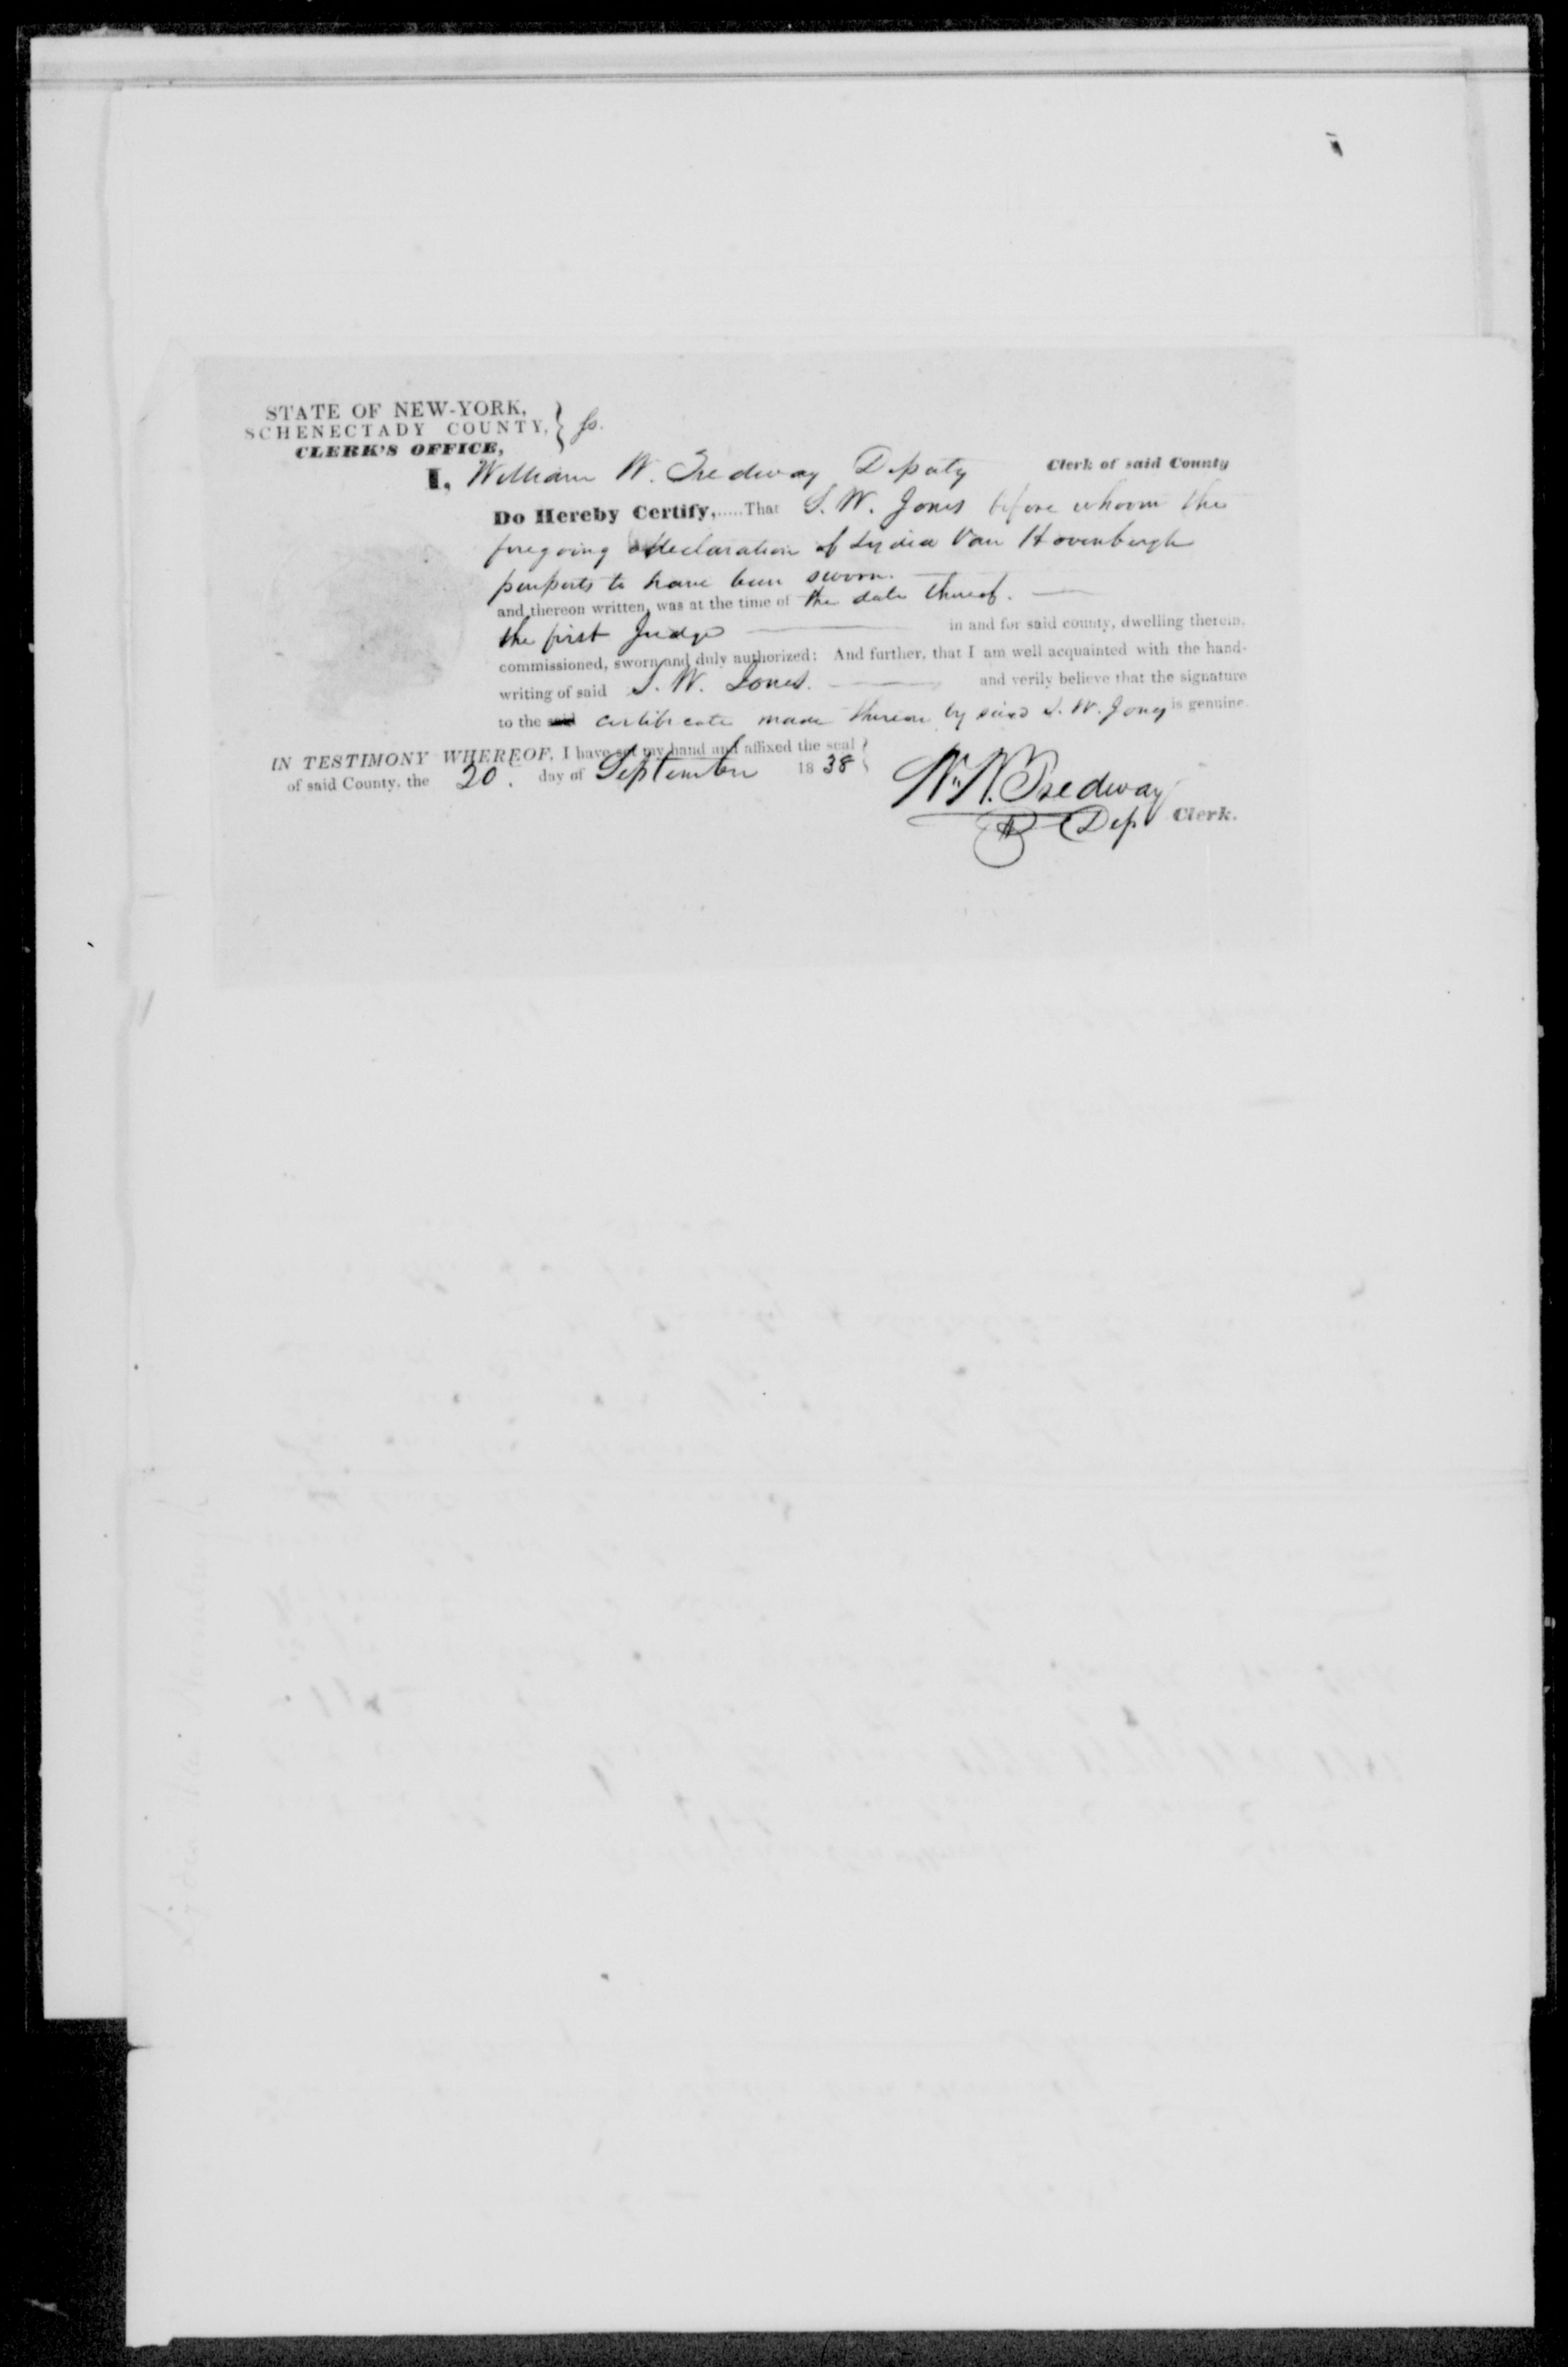STATE OF NEW-YORK,
SHENECTADY COUNTY
CLERK'S OFFICE, } ss.
I William W. Fredway Deputy Clerk of said County
Do Hereby Certify, ,..... That L. W. Jones before whom this foregoing declaration of Lydia Van Hovenburgh purports to have been sworn and thereon written, was at the time of the date thereof, the first Judge in and for said county, dwelling therein commissioned, sworn and duly authorized: And further, that I am well acquainted with the hand writing of said J. W. Jones and verily believe that the signature
to the Certificate made thereon by said S. W. Jones is genuine.
IN TESTIMONY WHEREOF, I have set my hand and affixed the seal of said County, the 20th day of September 1838}
Wh. W. Tredway
Dept. Clerk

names: W W Tredway, S W Jones, William W Tredway, Lydia Van Hovenburgh, S W Jones, S W Jones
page: 5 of 38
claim: widow's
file: W. 23324, Rudolphus Van Hoevenbergh, New York